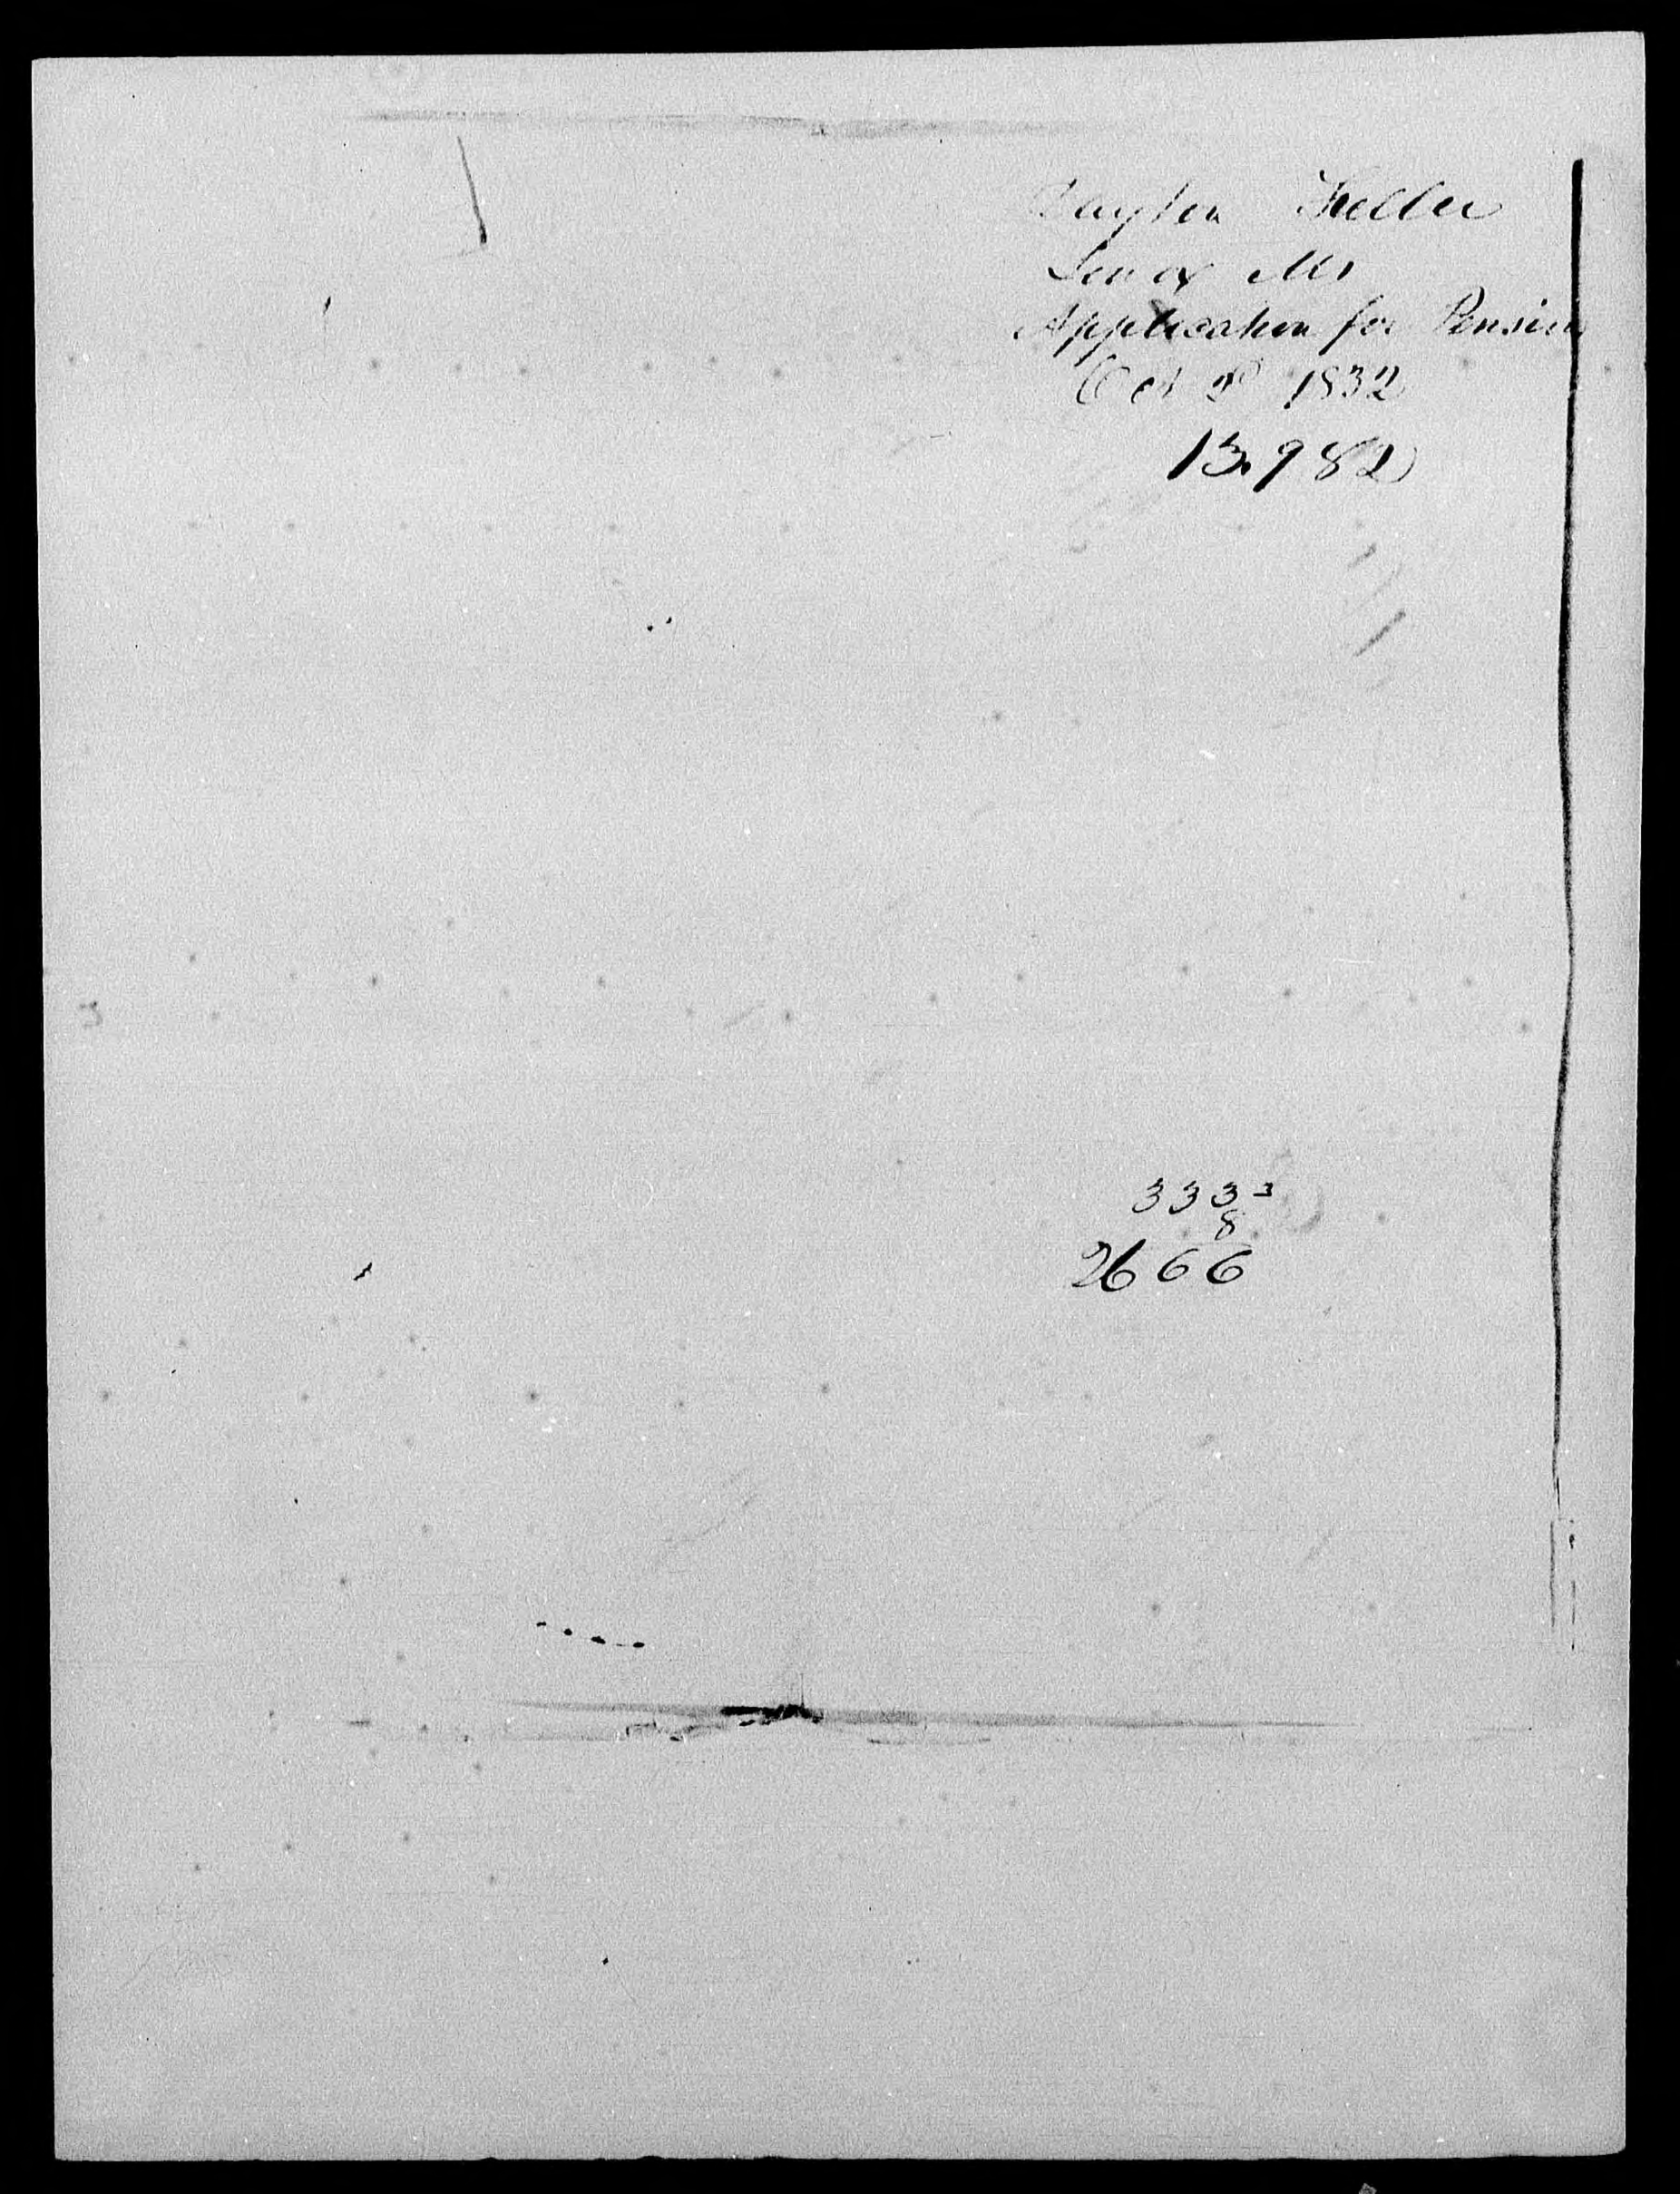Dayton Fuller
Lenox
Application for Pension
Oct 2d 1832
13.982
3333
8
2666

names: Dayton Fuller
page: 5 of 15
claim: survivor's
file: S. 29,166, Dayton Fuller, Conn.